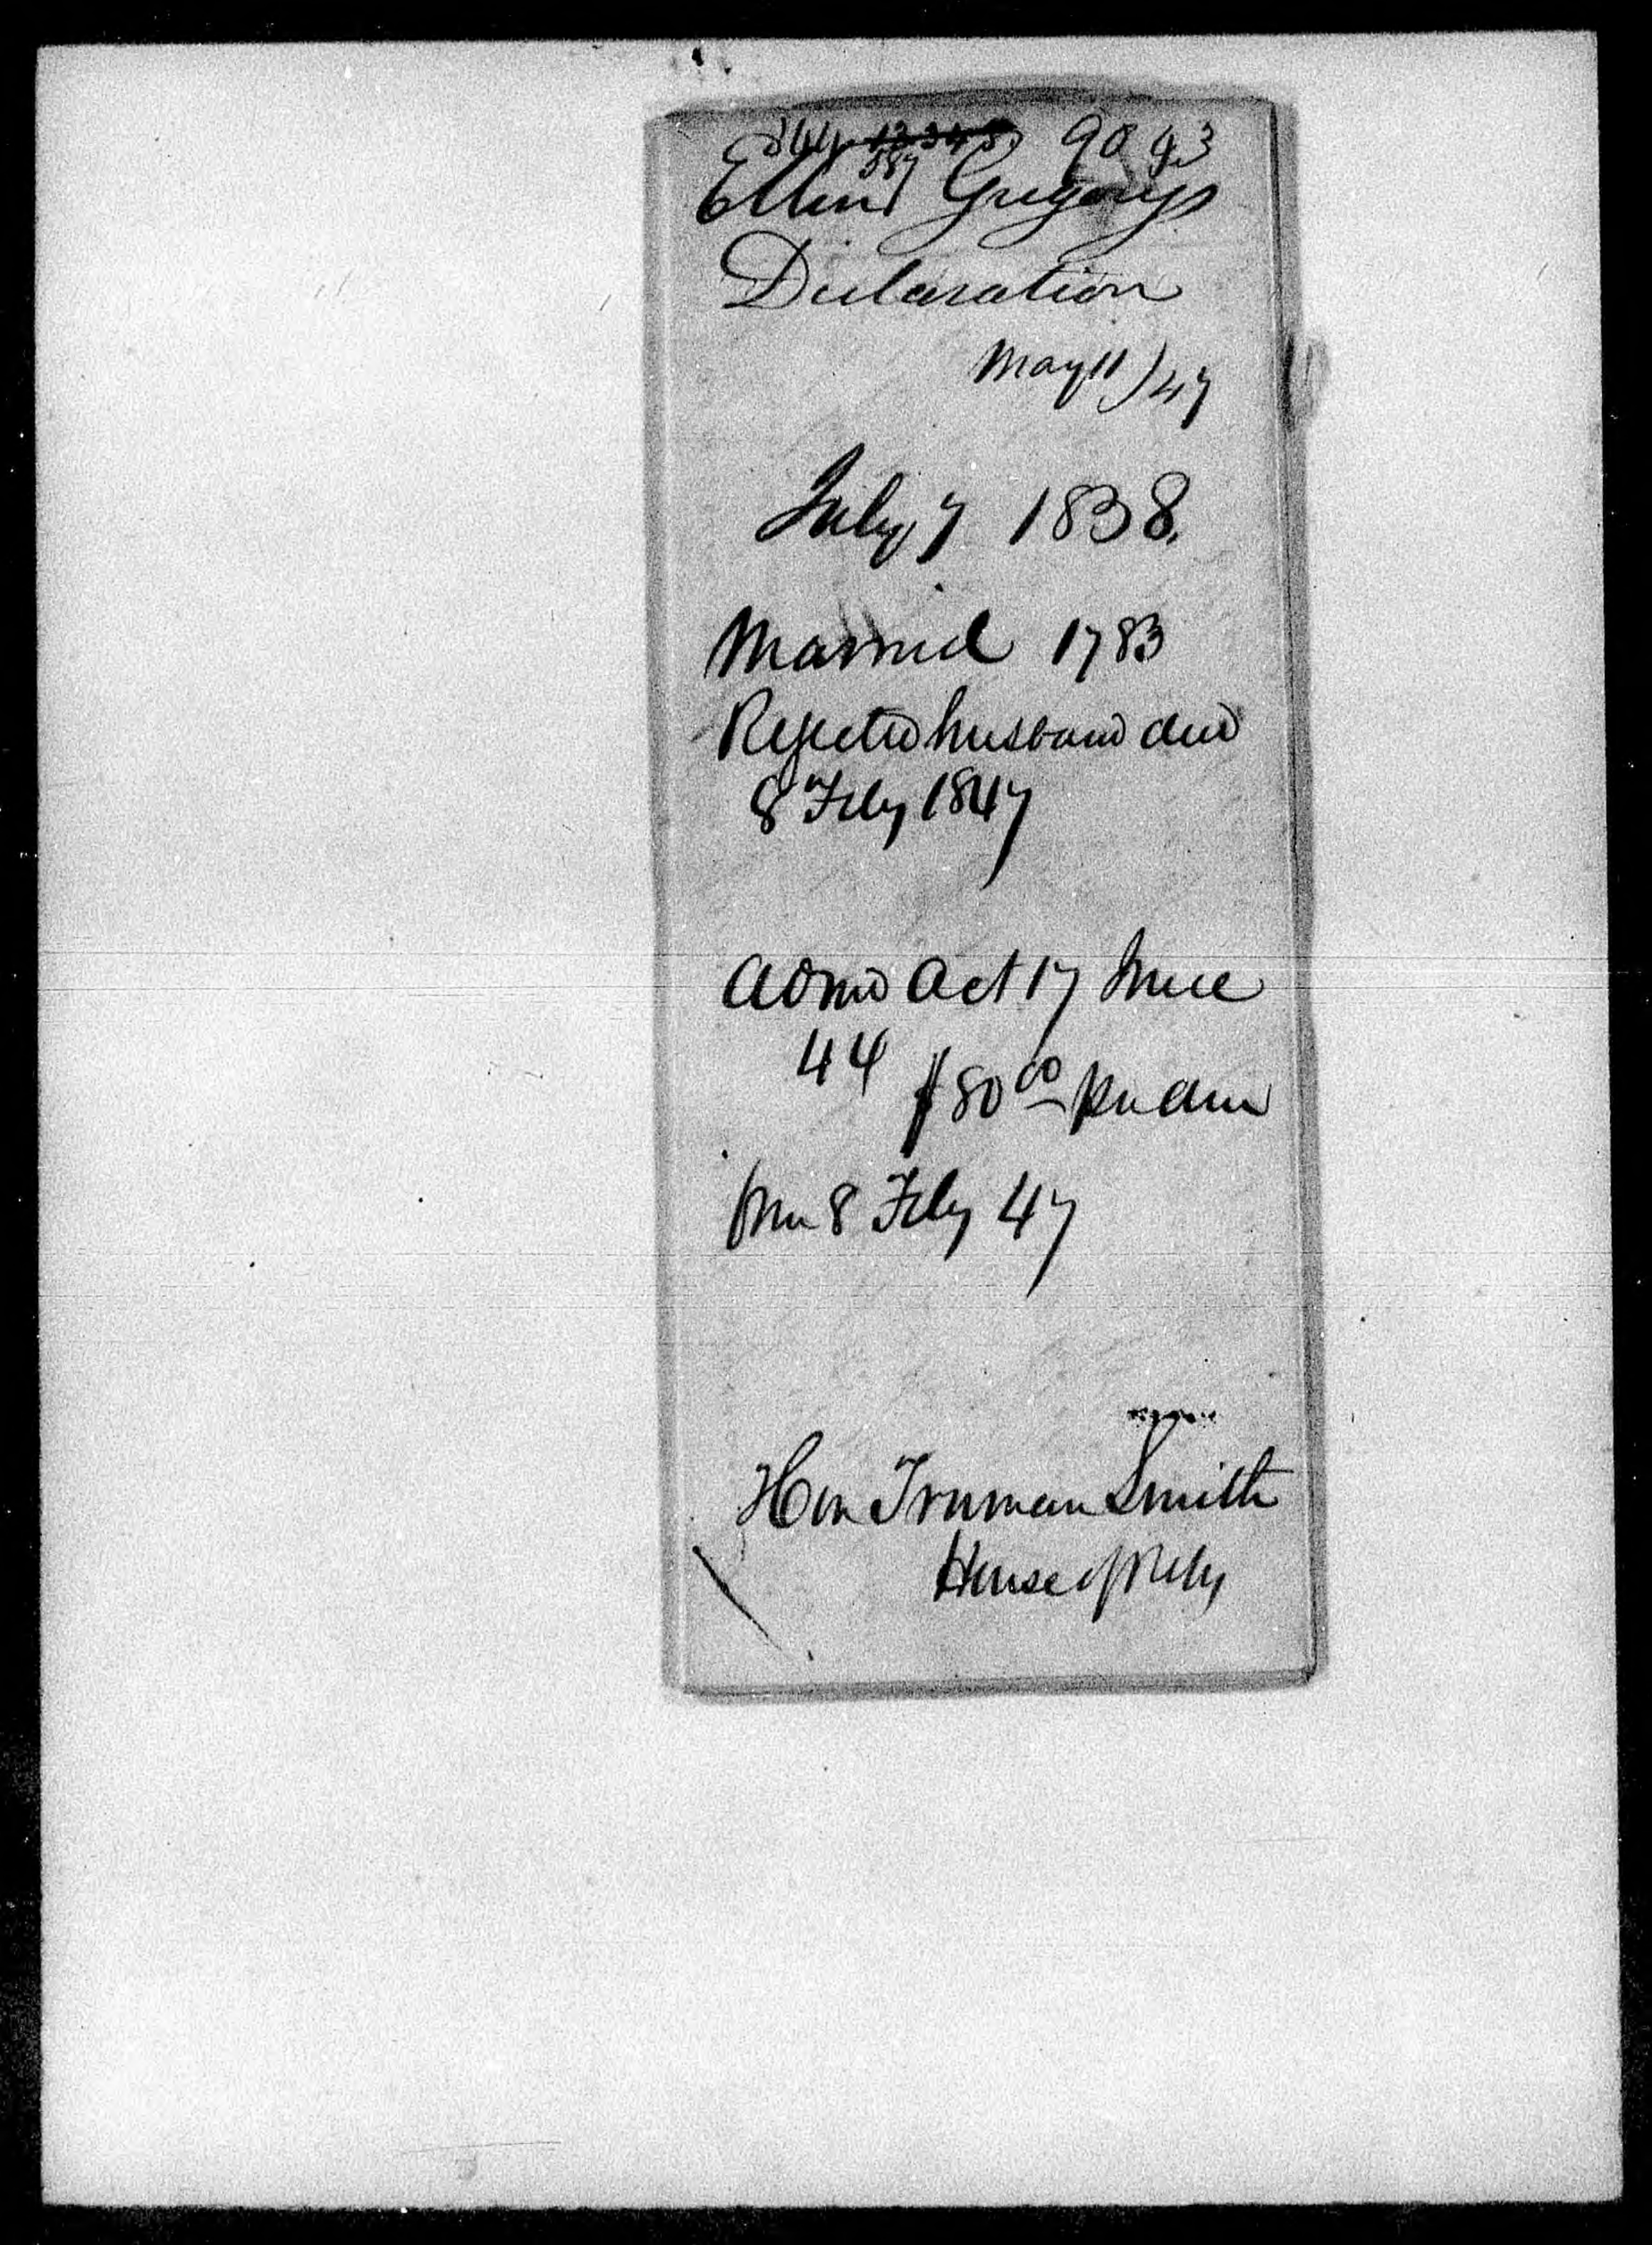9043
Ellen Gregory
Declaration
May 11/47
July 7 1838
Married 1783

Rejected husband died
8 July 1847

[illegible] Act 17 June
44       $80 per snn
[illegible] 8 July 47

Hon Truman Smith
        House of Reps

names: Truman Smith, Ellen Gregory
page: 10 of 49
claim: widow's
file: W 24308, Josiah Gregory, Conn.